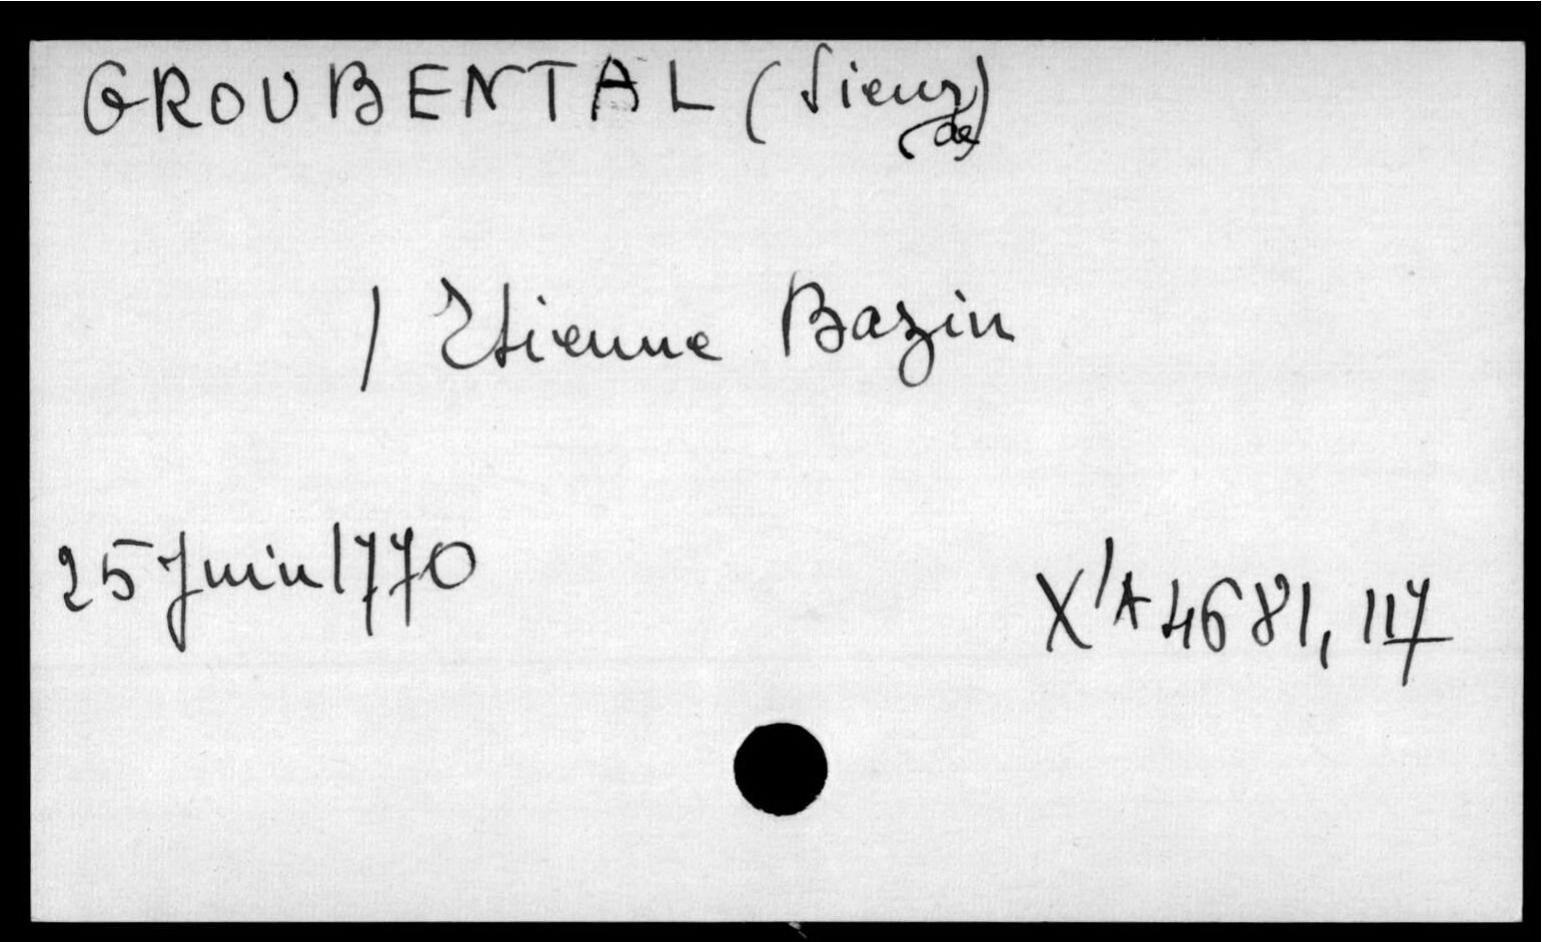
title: GROUBENTAL (Sieur de)
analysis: Contre Étienne Bazin
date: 25 juin 1770
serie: X1A
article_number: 4681
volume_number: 117
